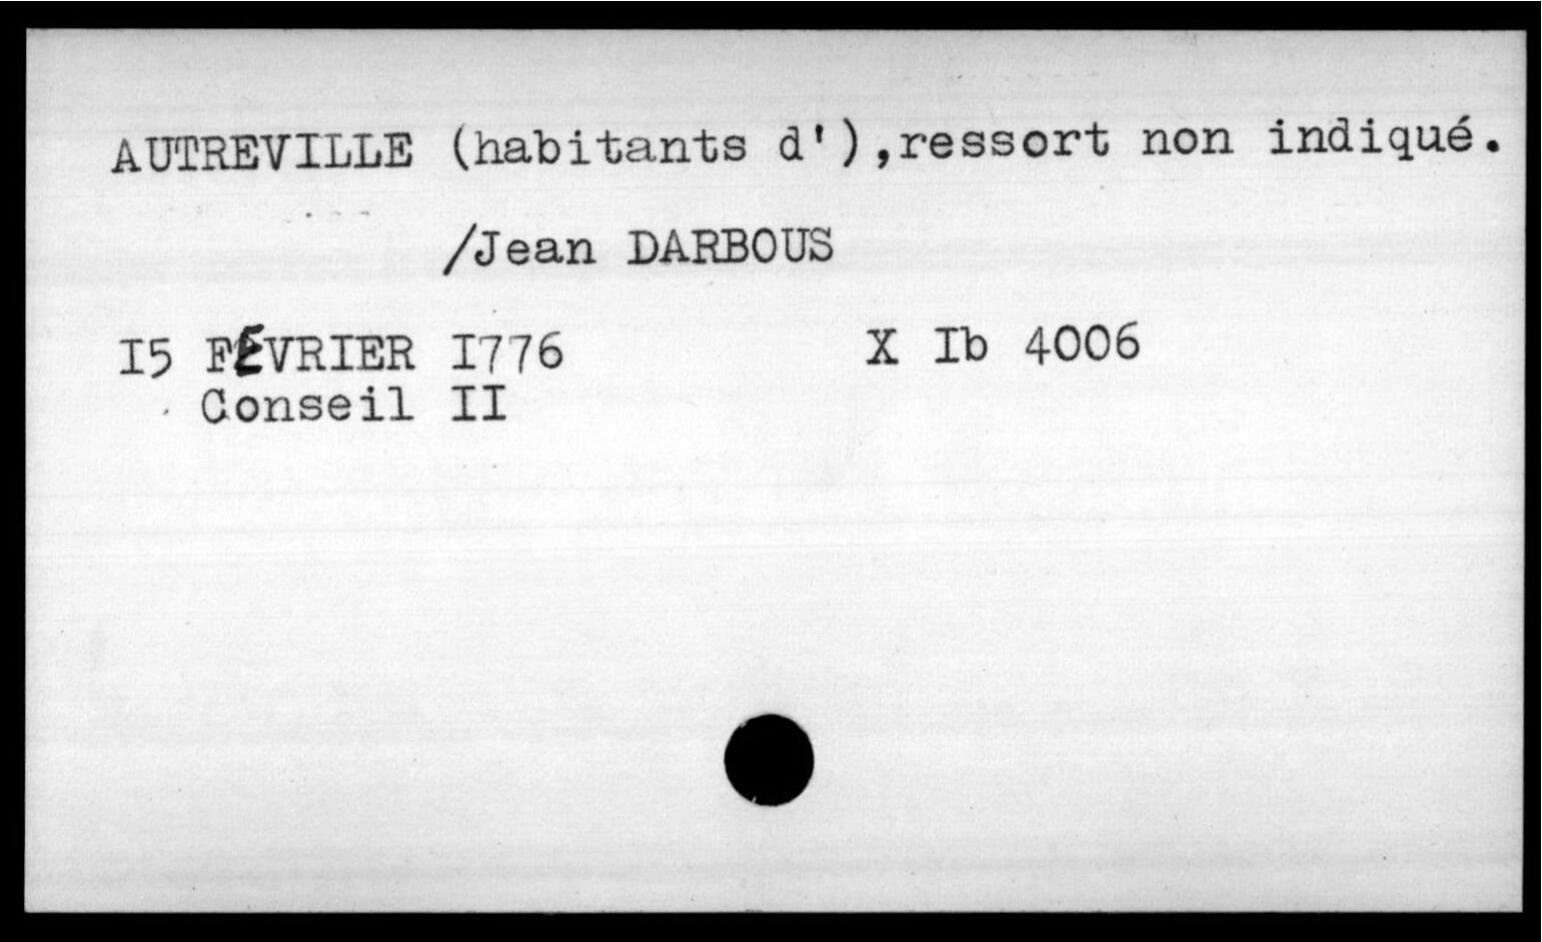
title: AUTREVILLE (habitants d'), ressort non indiqué.
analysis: Contre Jean DARBOUS
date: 15 février 1776
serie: X1b
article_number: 4006
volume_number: Conseil 11
